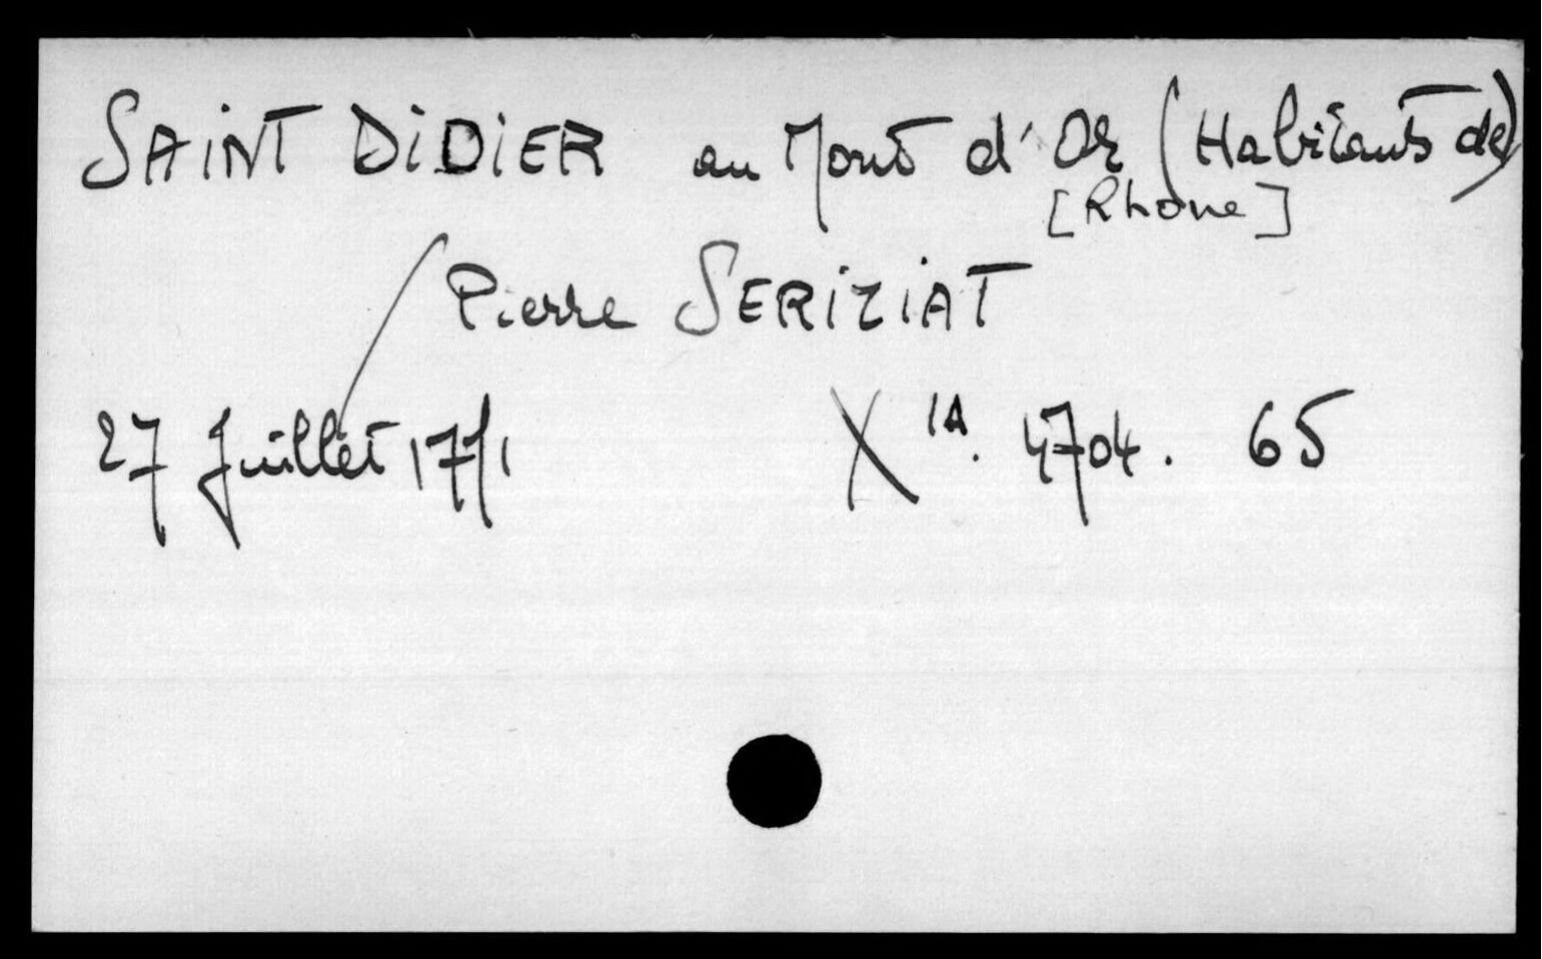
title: SAINT DIDIER au Mont d'Or (Habitant de [Rhône]
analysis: Contre Pierre SERIZIAT
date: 27 juillet 1771
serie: X1A
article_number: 4704
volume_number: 65
